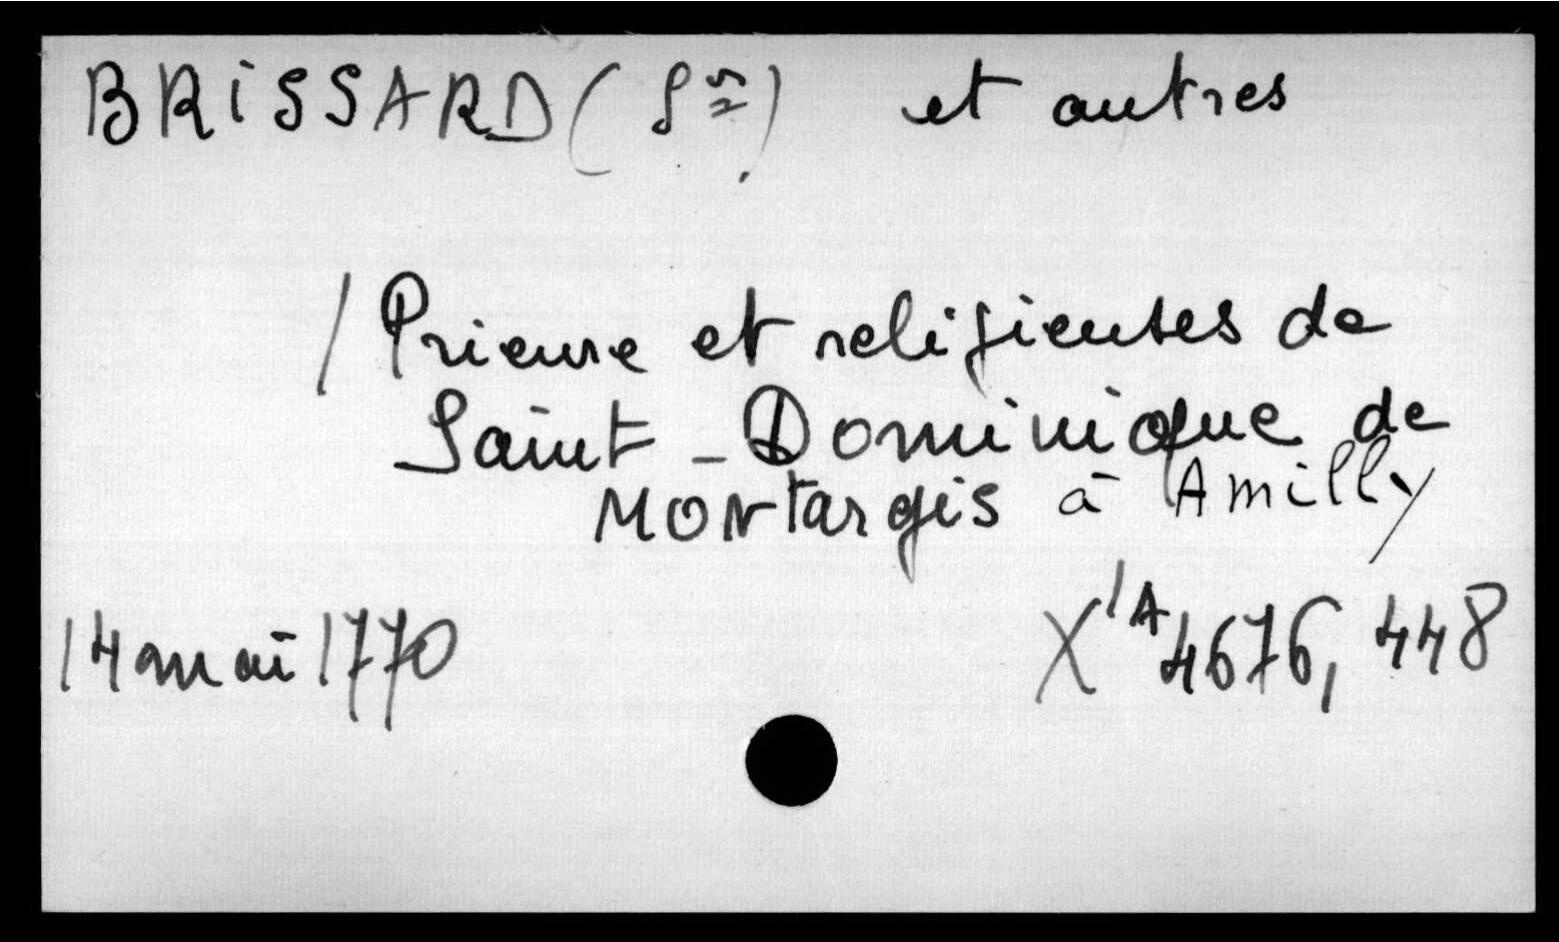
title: BRISSARD (Sieur) et autres
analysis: Contre Prieure et neligieuses de Saint-Dominique de Montargis à Amilly
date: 14 mai 1770
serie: X1A
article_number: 4676
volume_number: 448
